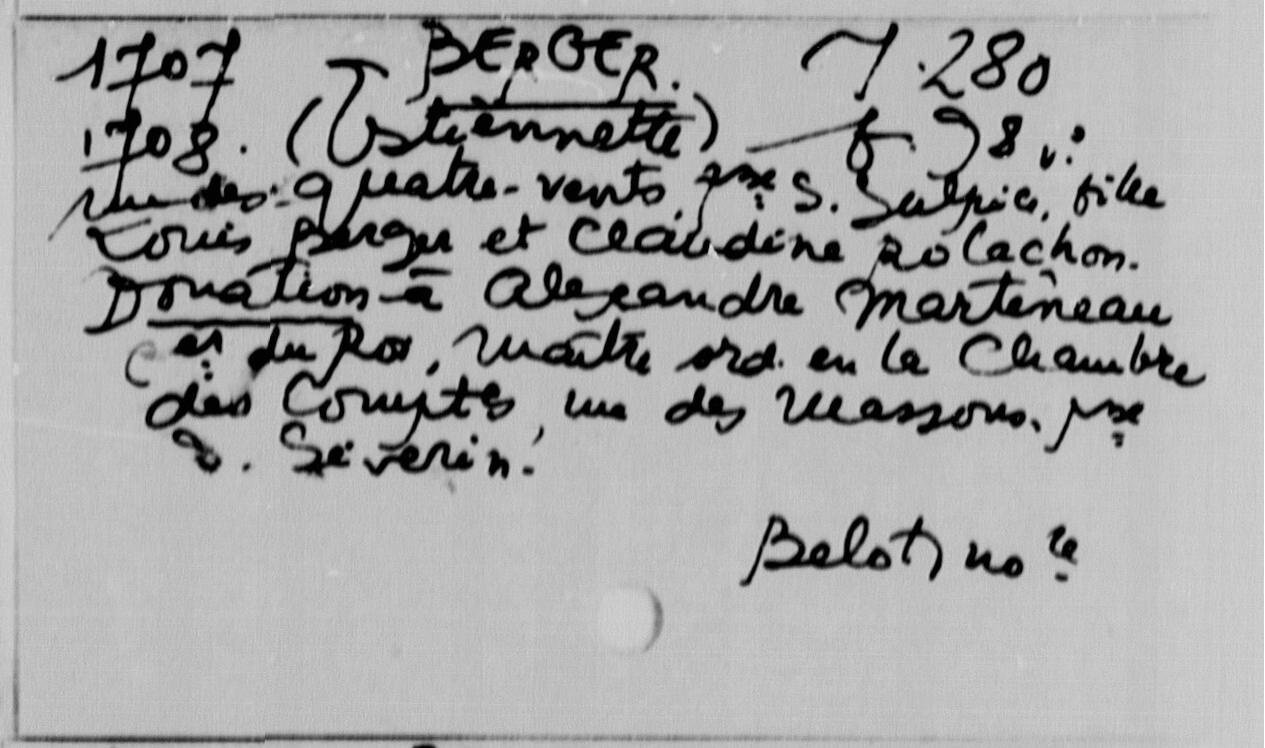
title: BERGER (Estiennette)
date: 1707-1708
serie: Y
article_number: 280
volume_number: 98v
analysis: Louis Quatre-Vents, paroisse Saint-Sulpice, fille Louis Berger et Claudine Rocachon. Donation à Alexandre Martineau, conseillerdu roi, maître ordinaire en la Chambre des Comptes, rue des massons, paroisse Saint-Séverin. Belot notaire.
